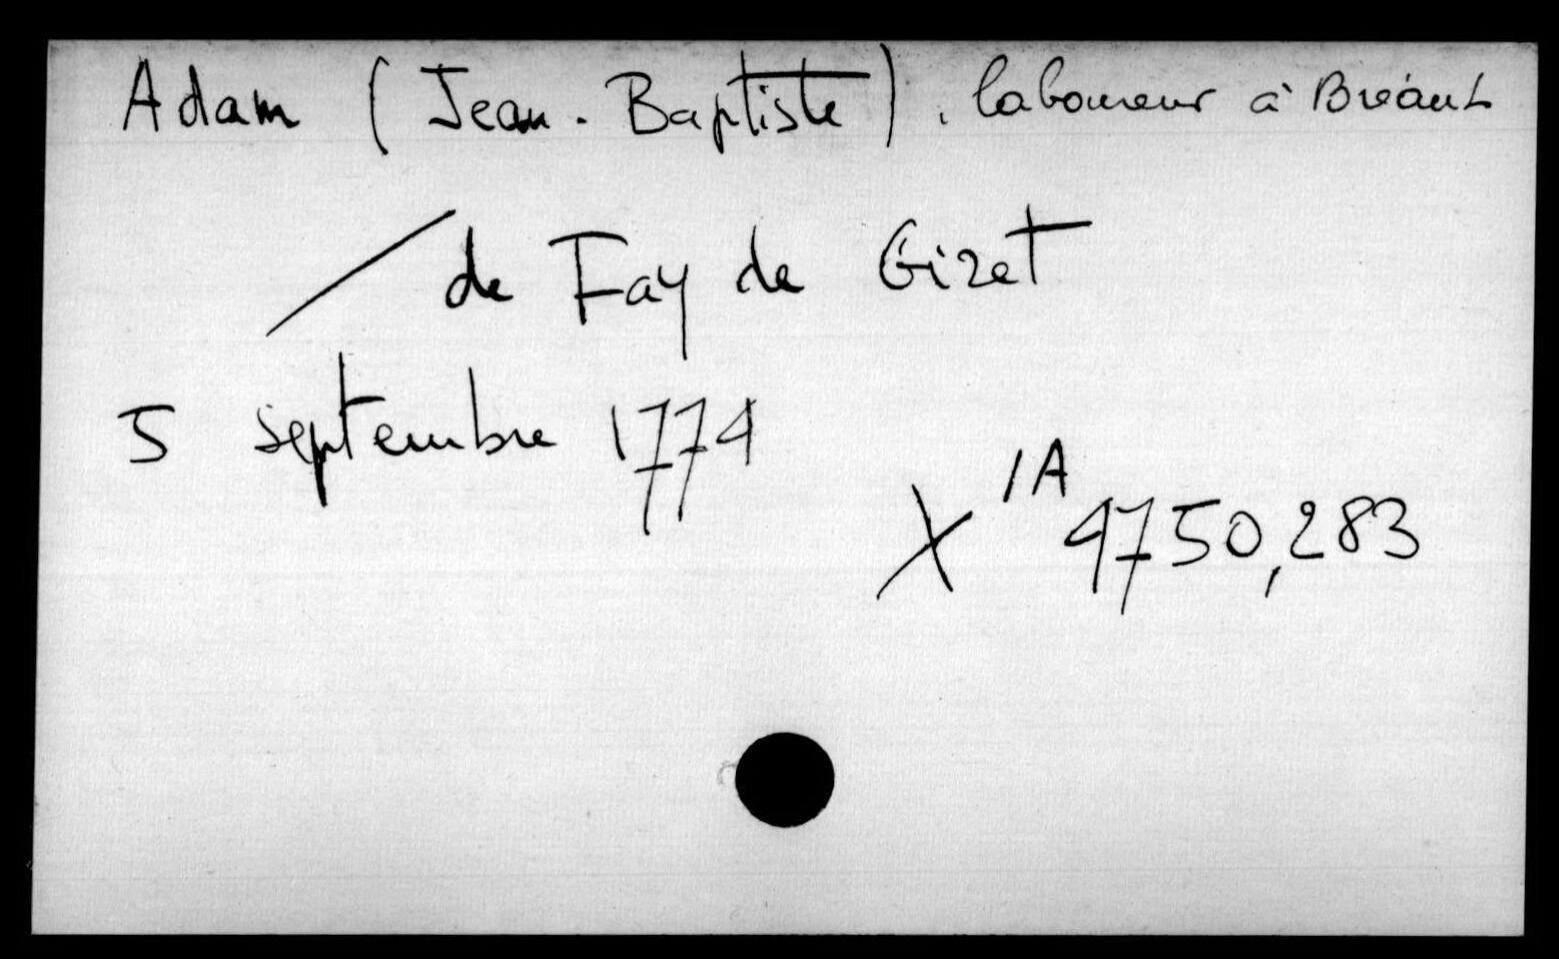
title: Adam (Jean Baptiste), laboureur à Bréaut
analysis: Contre de Fay de Gizet
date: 5 septembre 1774
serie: X1A
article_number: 4750
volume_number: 283
